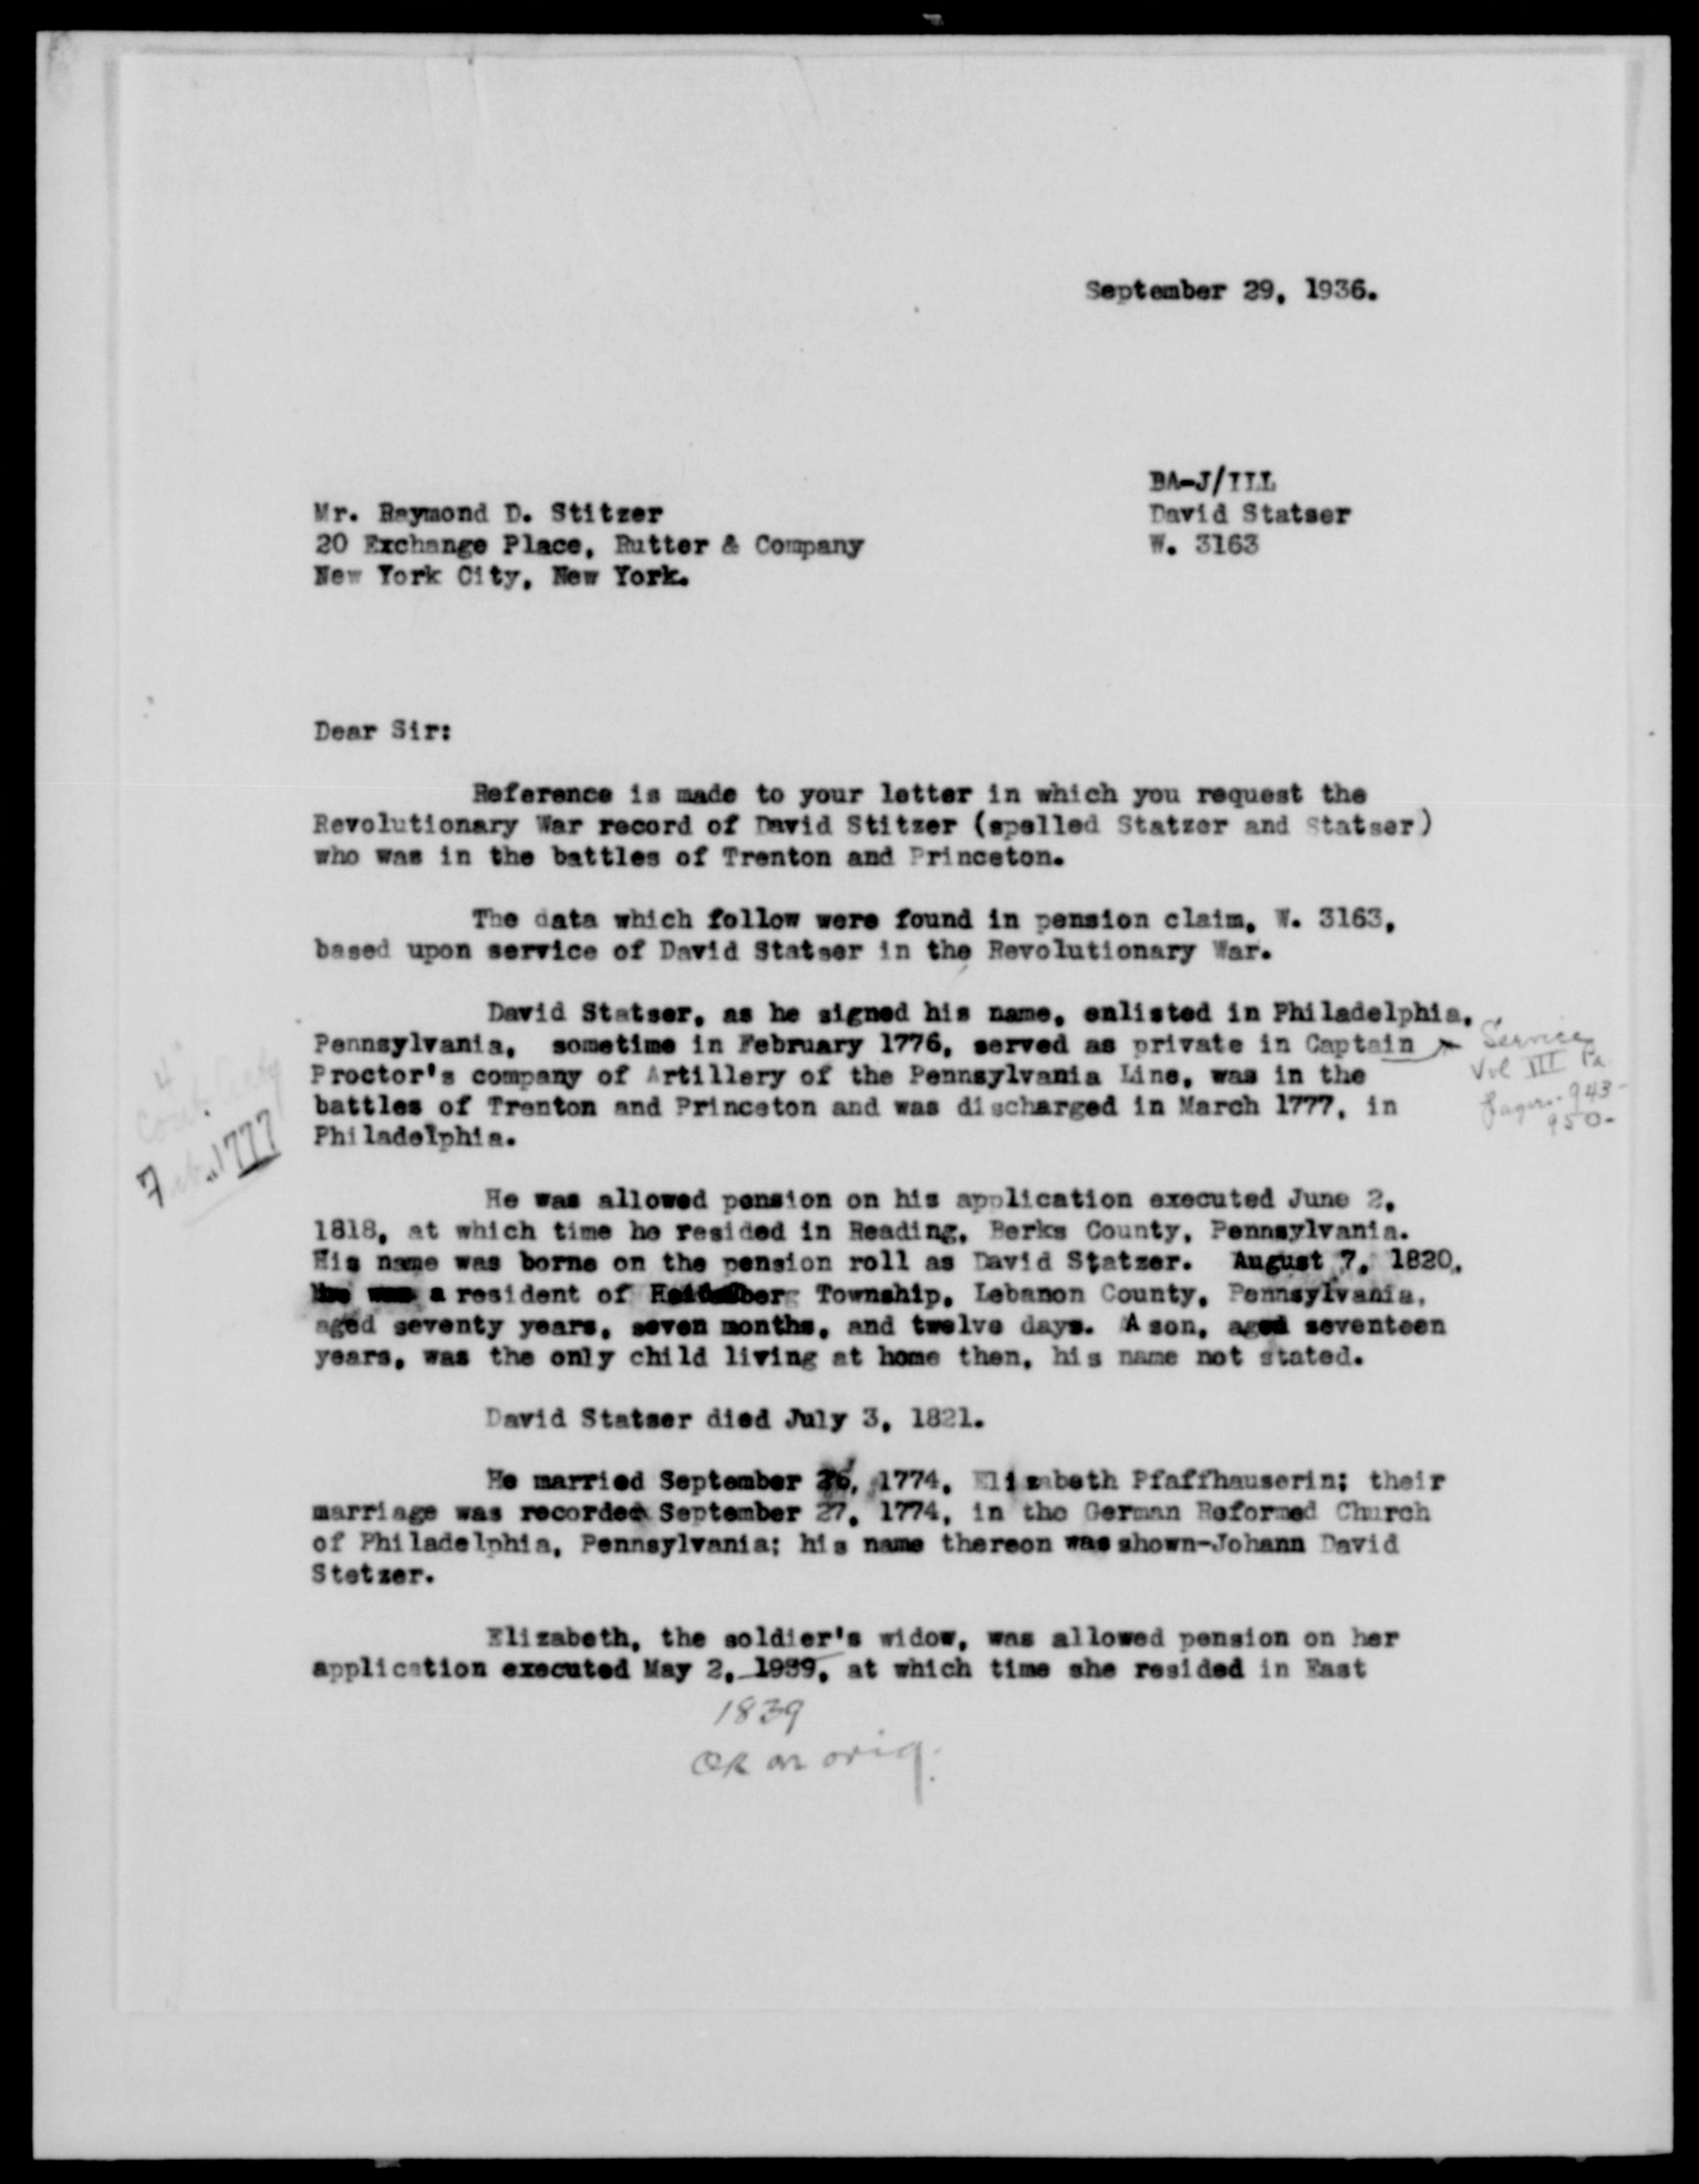September 29, 1936.
Mr. Raymond D. Stitzer
20 Exchange Place, Rutter & Company
New York City, New York.
BA-J/ILL
David Statser
W. 3163
Dear Sir:
Reference is made to your letter in which you request the Revolutionary War record of David Stitzer (spelled Statzer and Statser) who was in the battles of Trenton and Princeton.
The data which follow were found in pension claim, W. 3163, based upon service of David Statser in the Revolutionary War.
David Statser, as he signed his name, enlisted in Philadelphia, Pennsylvania, sometime in February 1776, served as private in Captain [handwritten: Service Vol. III Pa. Pages 943-950] Proctor's company of Artillery of the Pennsylvania Line, was in the battles of Trenton and Princeton and was discharged in March 1777, in Philadelphia.
He was allowed pension on his application executed June 2, 1818, at which time he resided in Reading, Berks County, Pennsylvania. His name was borne on the pension roll as David Statzer, August 7, 1820. He was a resident of [illegible] Township, Lebanon County, Pennsylvania, aged seventy years, seven months, and twelve days. A son, aged seventeen years, was the only child living at home then, his name not stated.
David Statser died July 3, 1821.
He married September 26, 1774, Elizabeth Pfaffhauserin; their marriage was recorded September 27, 1774, in the German Reformed Church of Philadelphia, Pennsylvania; his name thereon was shown-Johann David Stetzer.
Elizabeth, the soldier's widow, was allowed pension on her application executed May 2, 1839, at which time she resided in East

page: 19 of 28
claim: widow's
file: W. 3163, for David Statser, Pennsylvania